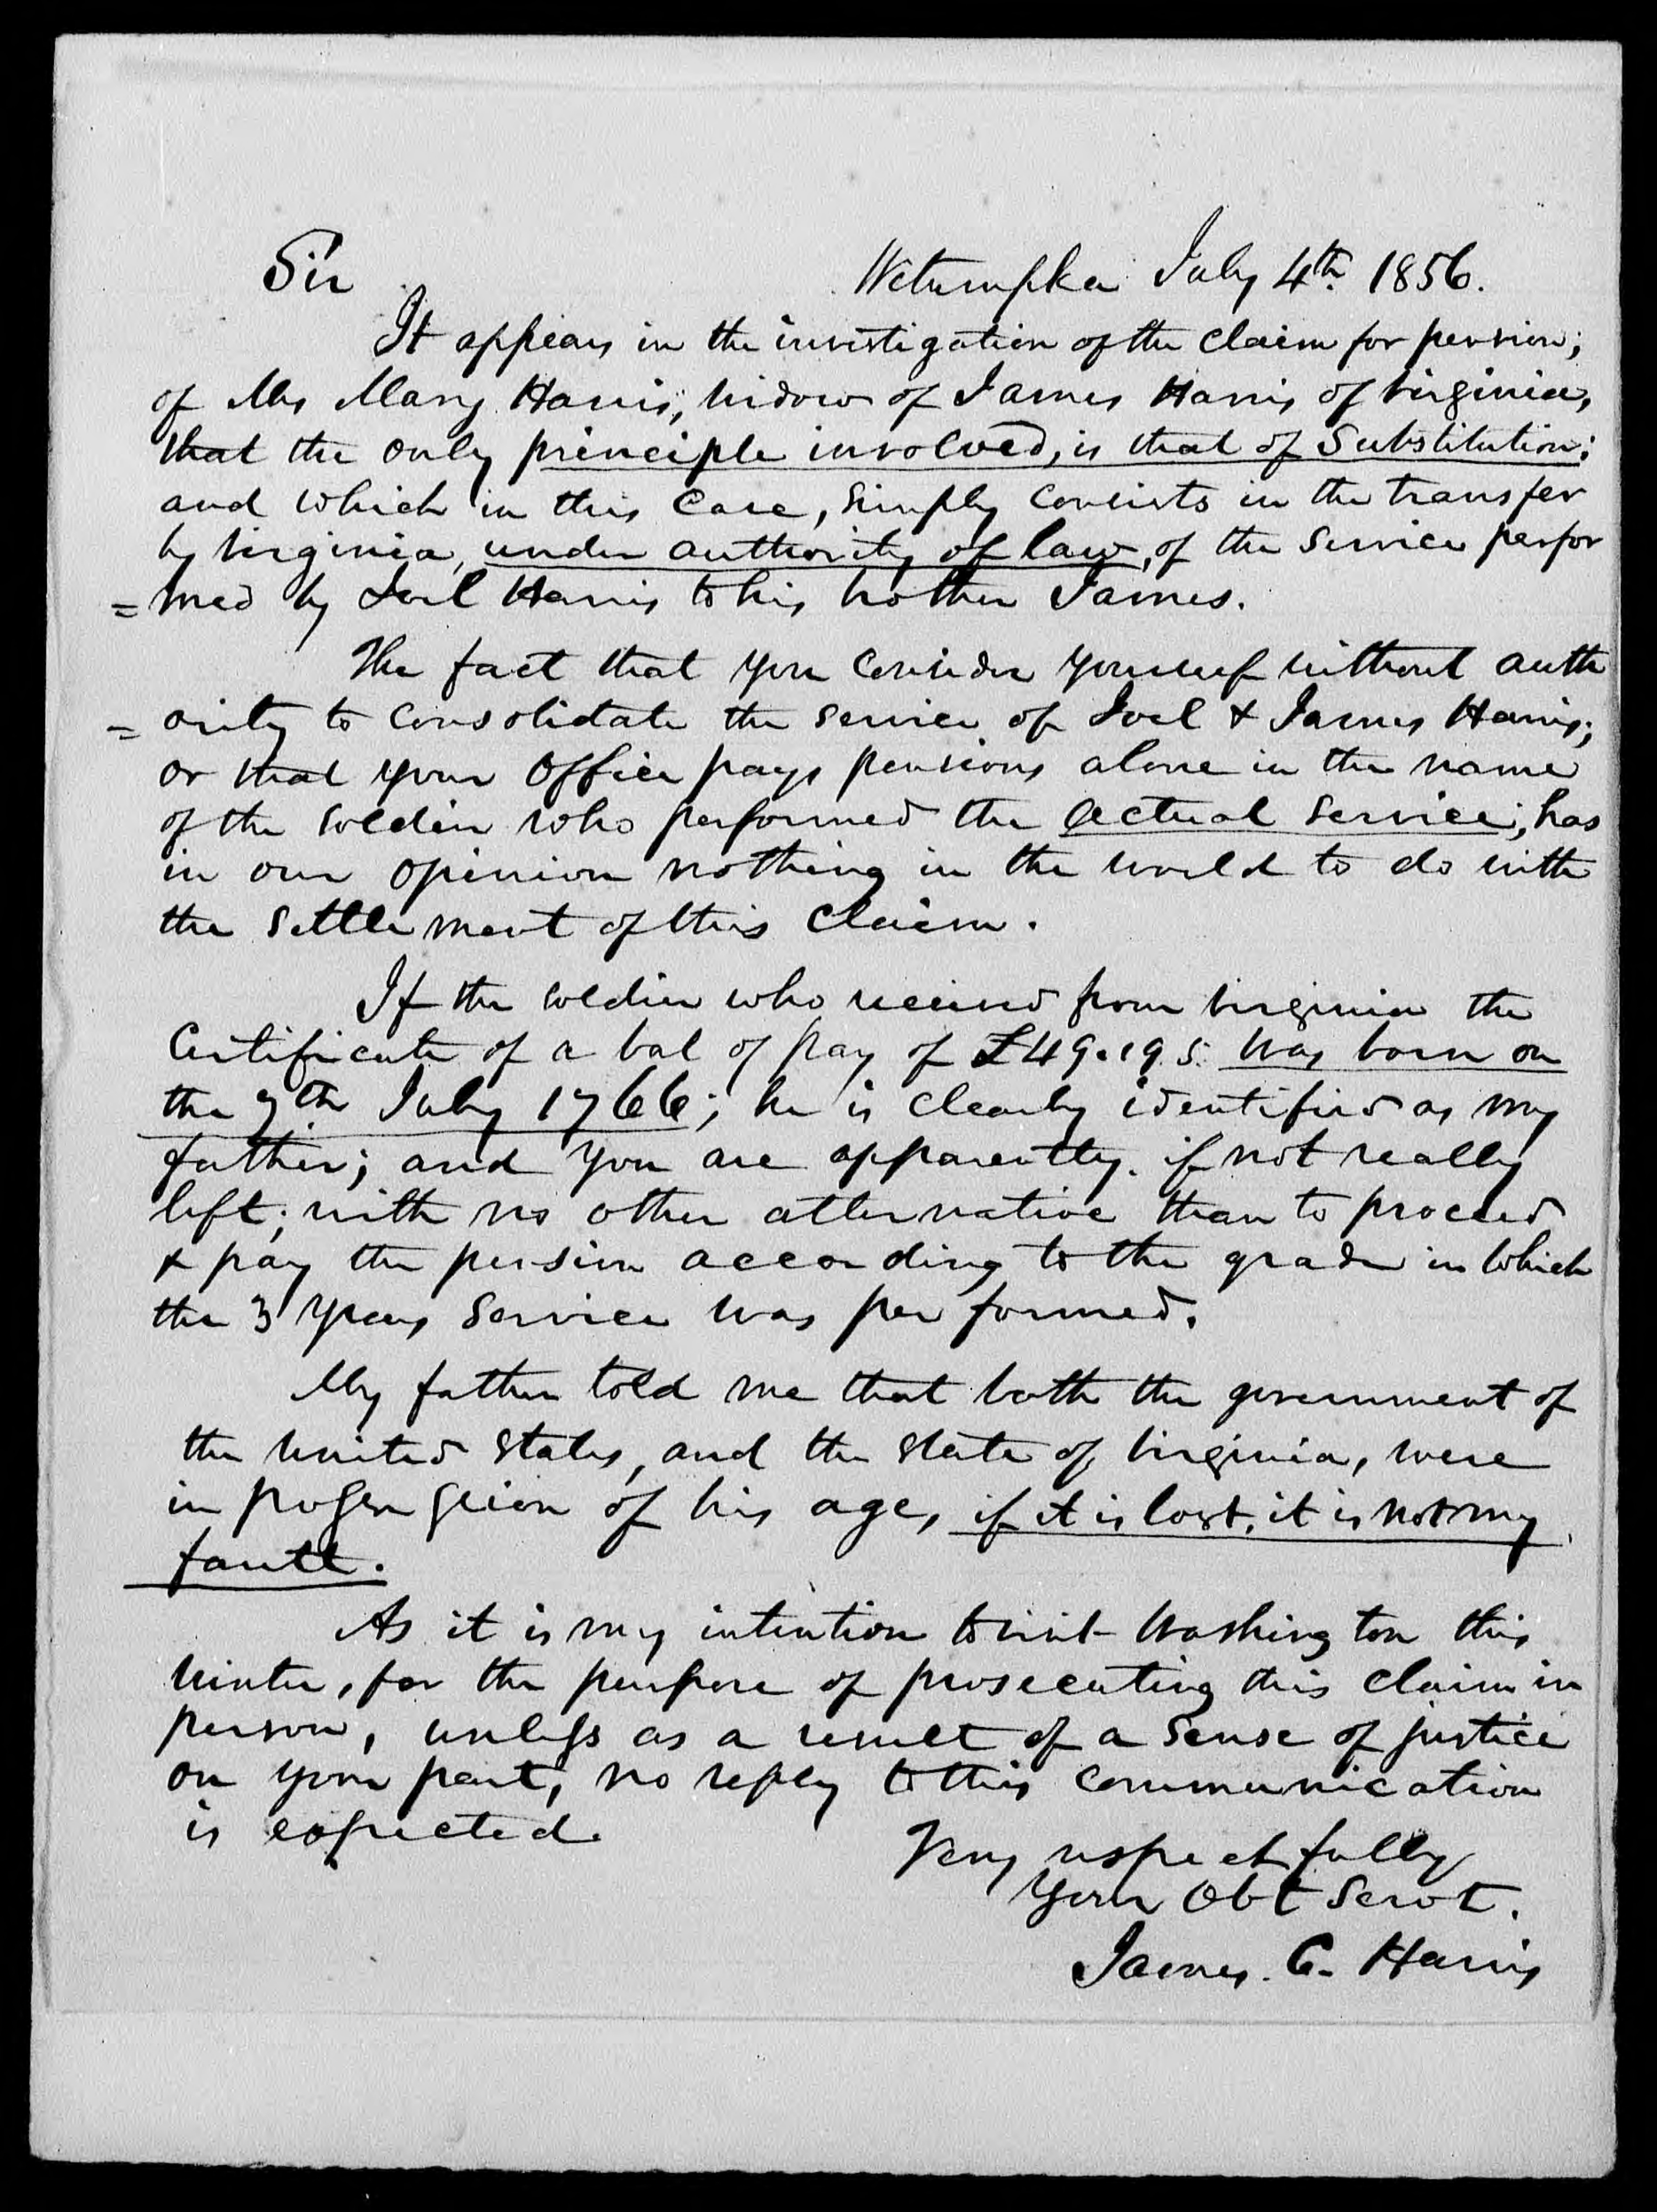Wetumpka July 4th 1856

Sir
It appears in the investigation of the claim for pension of Mrs Mary Harris, widow of James Harris of Virginia, that the only principle involved is that of substitution, and which in this case, simply consists in the transfer by Virginia, under authority of law, of the service performed by Joel Harris to his brother James.
The fact that you consider yourself without authority to consolidate the service of Joel & James Harris, or that your office pays pensions alone in the name of the soldier who performed the actual service, has in our opinion nothing in the world to do with the settlement of this claim.
If the soldier who received from Virginia the Certificate of a bal of pay of [pound sterling]49.19.5 was born on the 7th July 1766, he is clearly identified as my father, and you are apparently, if not really left with no other alternative than to proceed & pay the pension according to the grade in which the 3 years service was performed.
My father told me that both the government of the United States, and the State of Virginia, were in possession of his age, if it is lost, it is not my fault.
As it is my intention to visit Washington this winter, for the purpose of prosecuting this claim in person, unless as a result of a sense of justice on your part, no reply to this communication is expected.
Very respectfully
Your Obt Servt.
James C. Harris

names: James Harris, Joel Harris, Mary Harris, James Harris, James, James C Harris, Joel Harris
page: 108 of 160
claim: rejected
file: R. 4666, James Harris, Va.